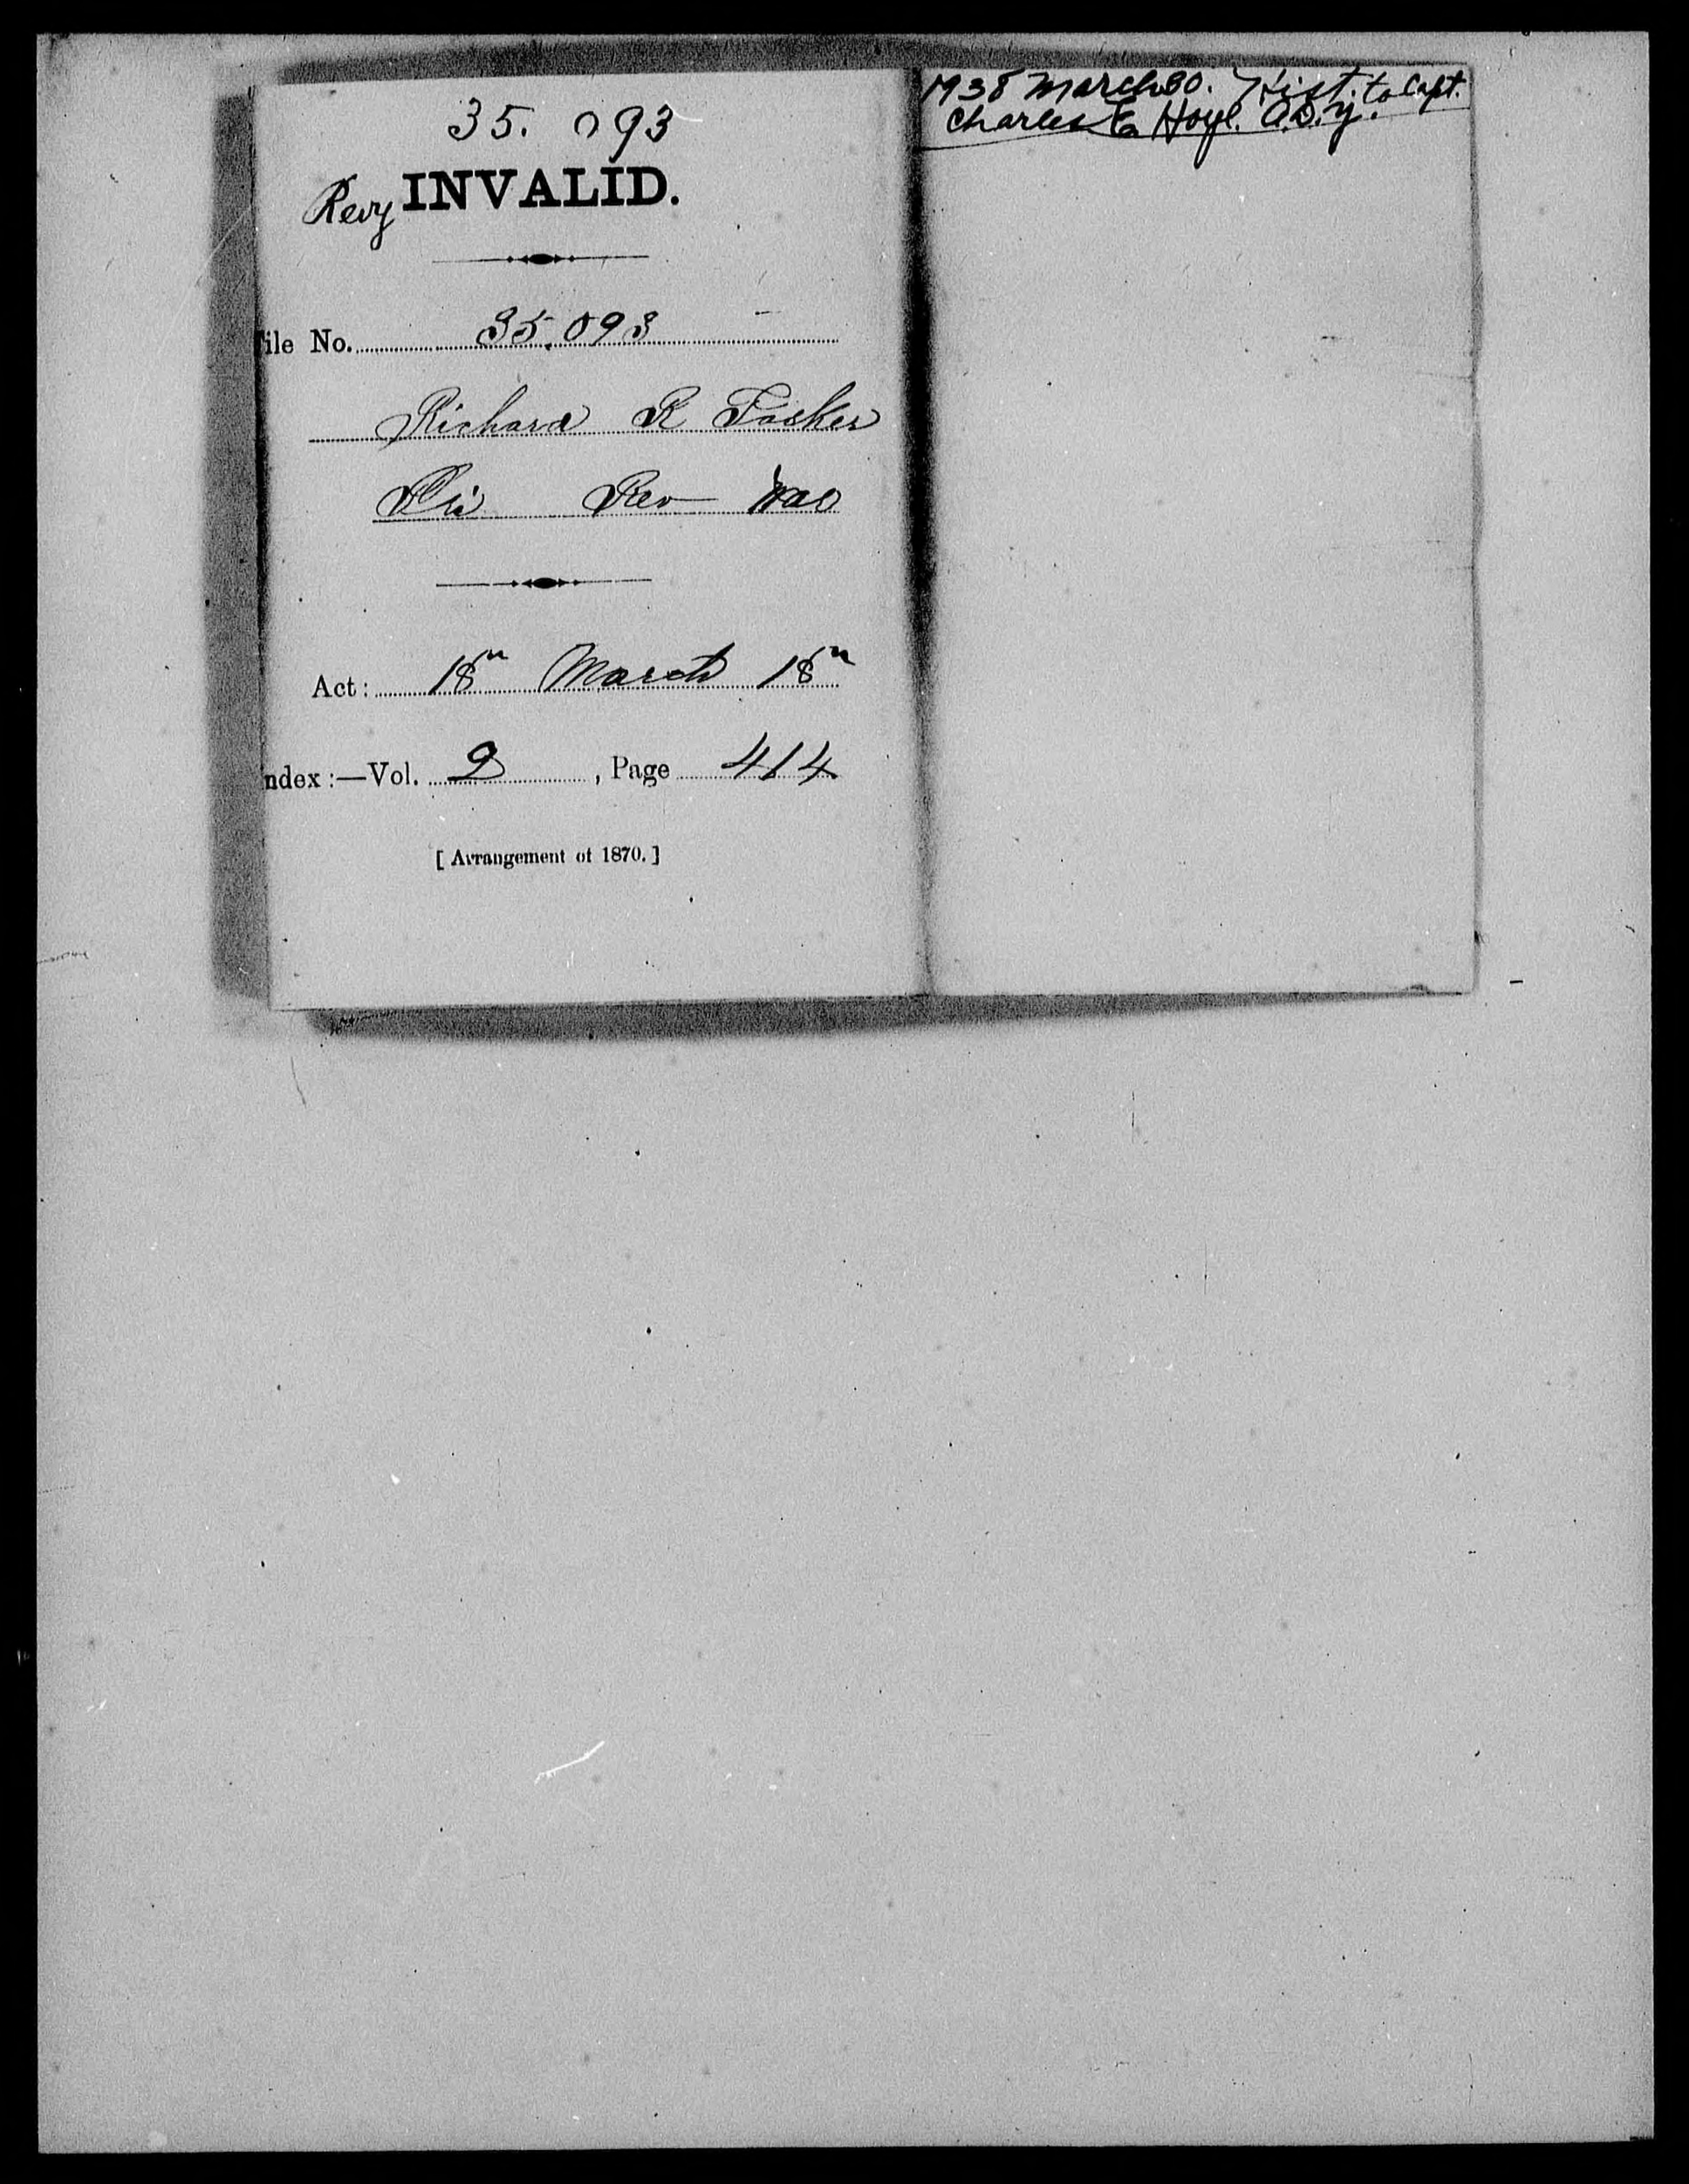35.093
Revy INVALID
File No. 35.093
Richard R. Tasker
The Rev Mao [?]

Act: 18 March 18
Index: - Vol: D, Page 414
Arrangement of 1870

1937 March 30 Hist. to Capt. Charles E. Hoye, A.D. Y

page: 23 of 25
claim: survivor's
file: S. 35093, for Richard R Tasker, Maryland